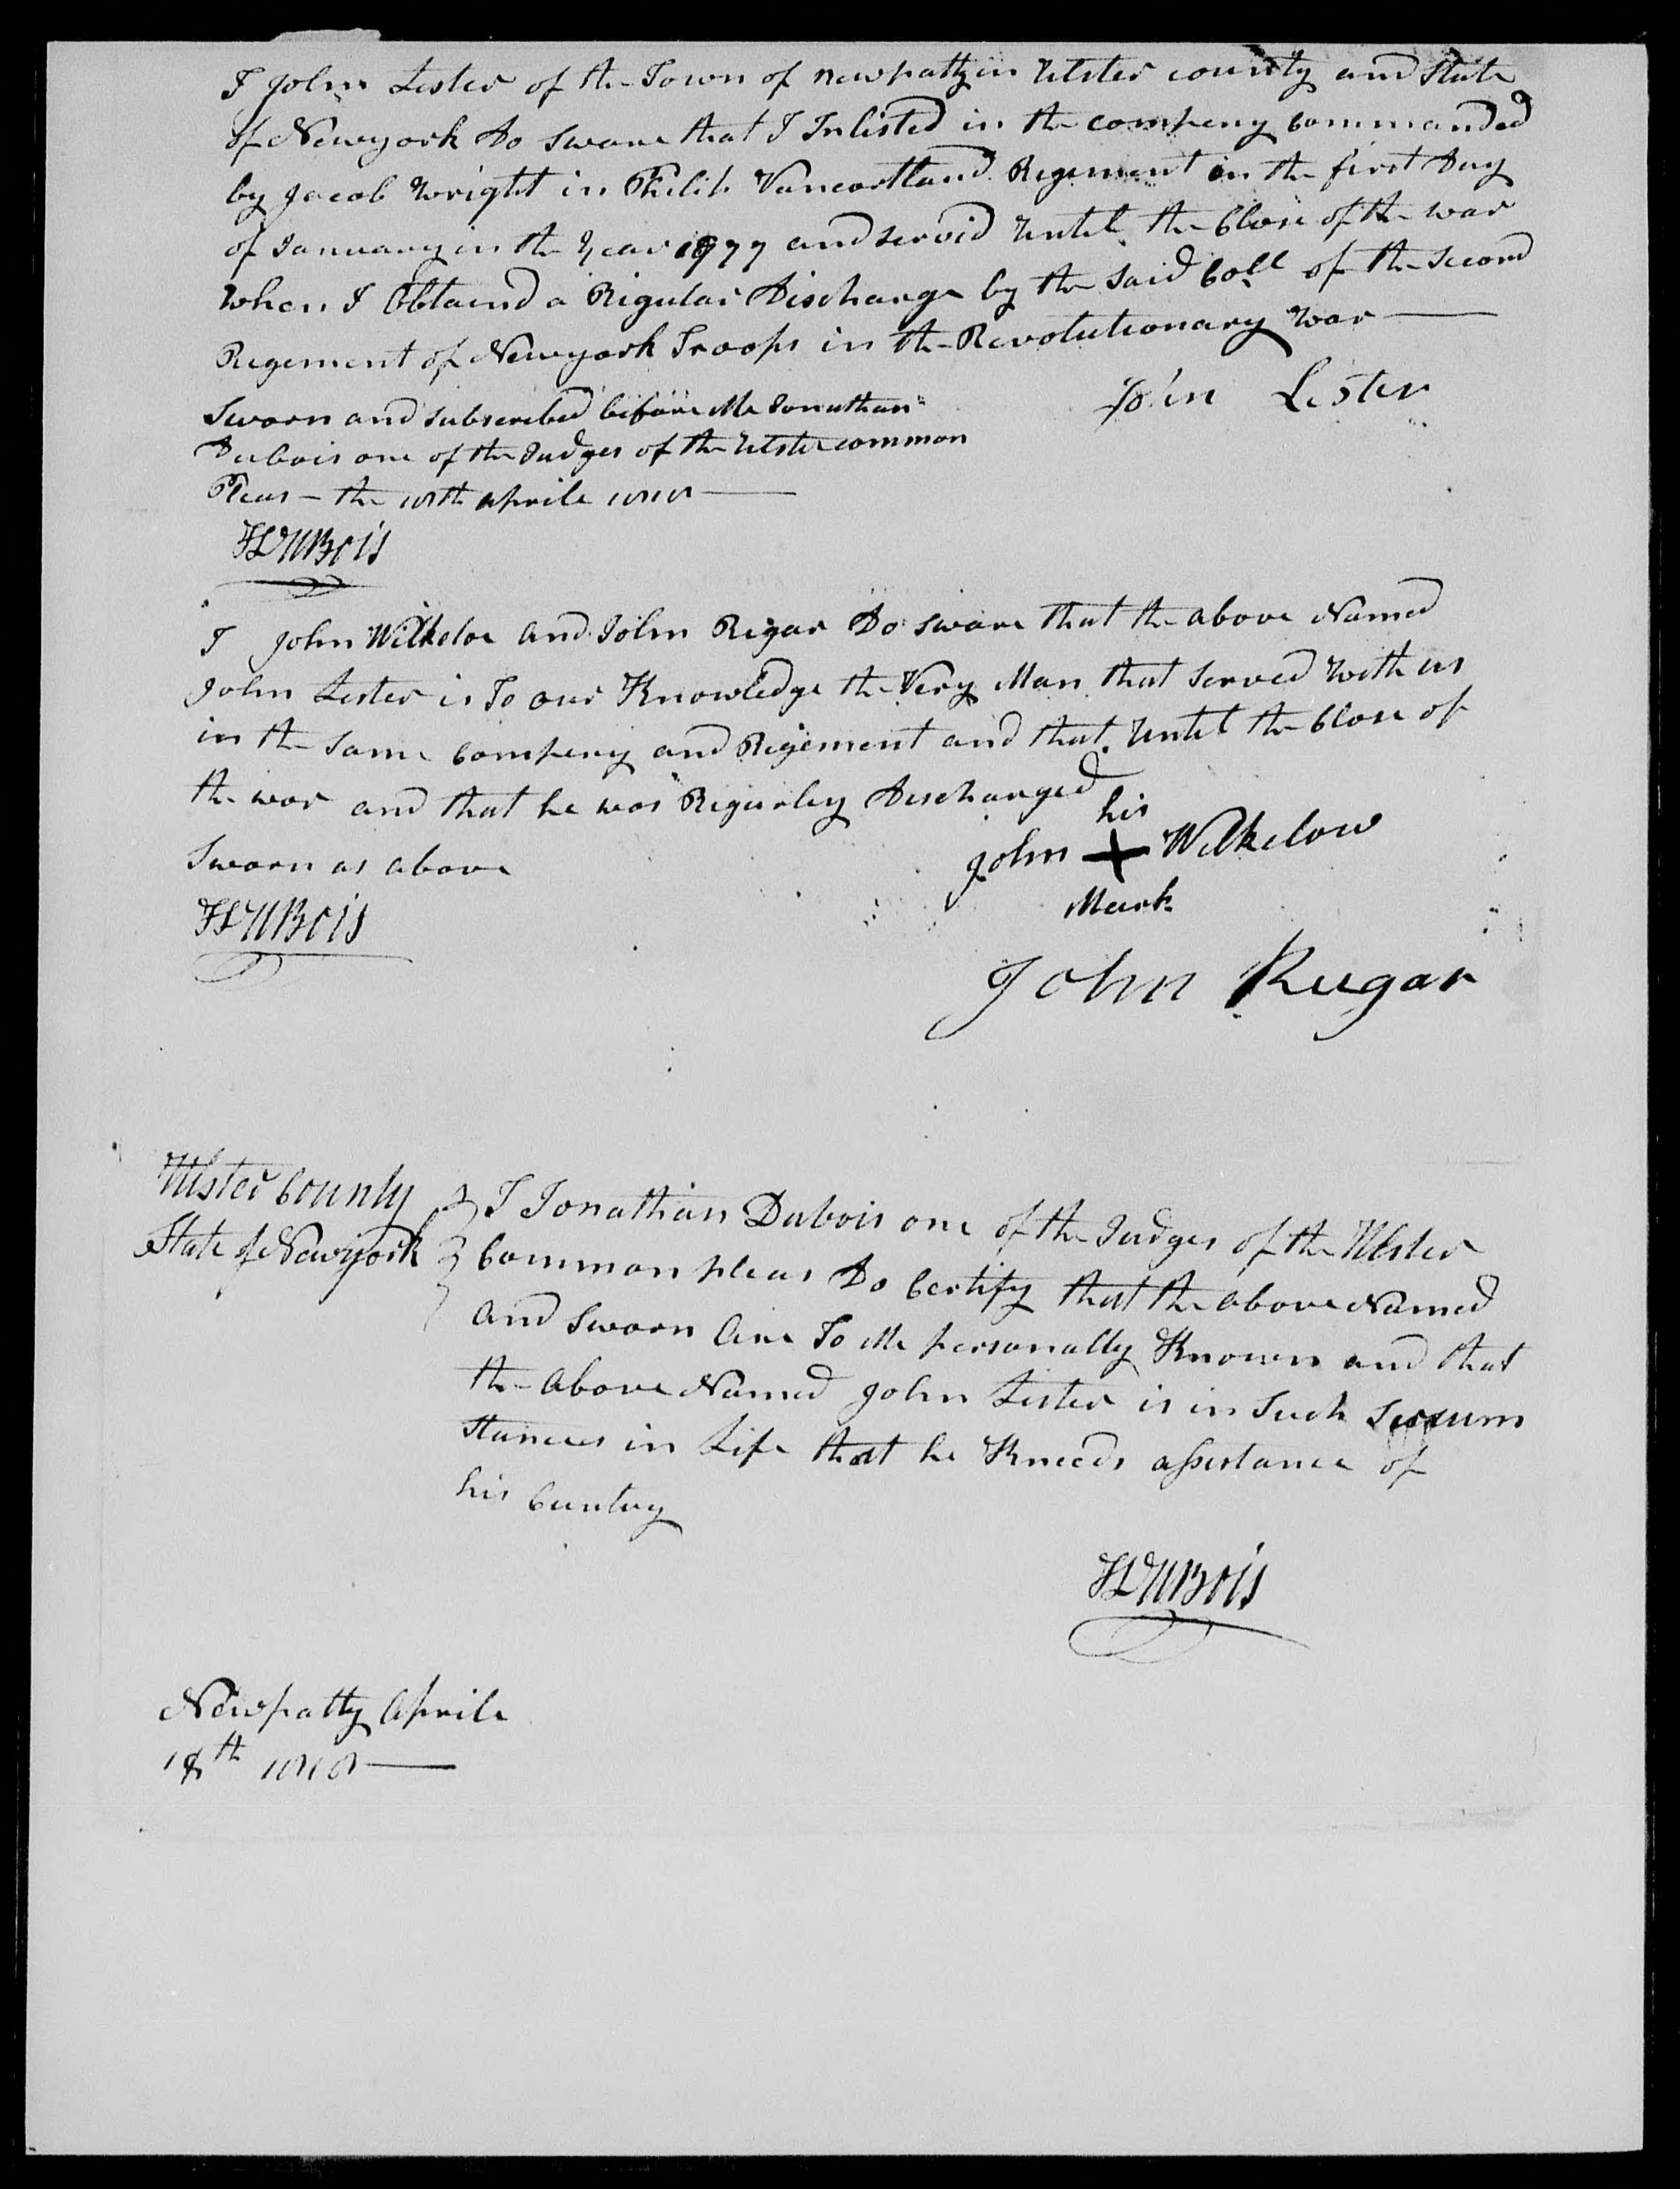I John Lester of the Town of New Paltz in Ulster County and State of New York do swear that I enlisted in the company commanded by Jacob Wright in Philip Vancortland Regiment on the first day of January in the year 1777 and served until the close of the war where I Obtained a Regular Discharge by the said fall of the second Regiment of New York Troops in the Revolutionary War
John Lester

Sworn and subscribed before Mr. Jonathan Dubois one of the Judges of the Ulster common pleas - the [illegible]th [illegible] -
J. Dubois

I John Wilkelow and John Rugar Do swear that the above Named John Lester is to our knowledge the Very Man that sered with us in the same company and Regement and that until the close of the war and that he was Regularly Discharged.
John his + Mark Wilkelow
John Rugar
Sworn as above
F.J. Dubois


Ulster County
State of New York
I F Jonathan Dubois one of the Judges of the Ulster Common pleas do certify that the above named and sworn are to me personally known and that the above named John Lester is in such sircumtances in life that he Kneeds assistance of his country
F.J. Dubois

New Paltz April 18th 1810 -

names: Jacob Wright; Jonathan Dubois; John Wilkelow; F L W Bois; John Lester; John Lister; John Wilkeloe; John Rugar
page: 4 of 14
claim: survivor's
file: S. 42844, for John Lester, New York